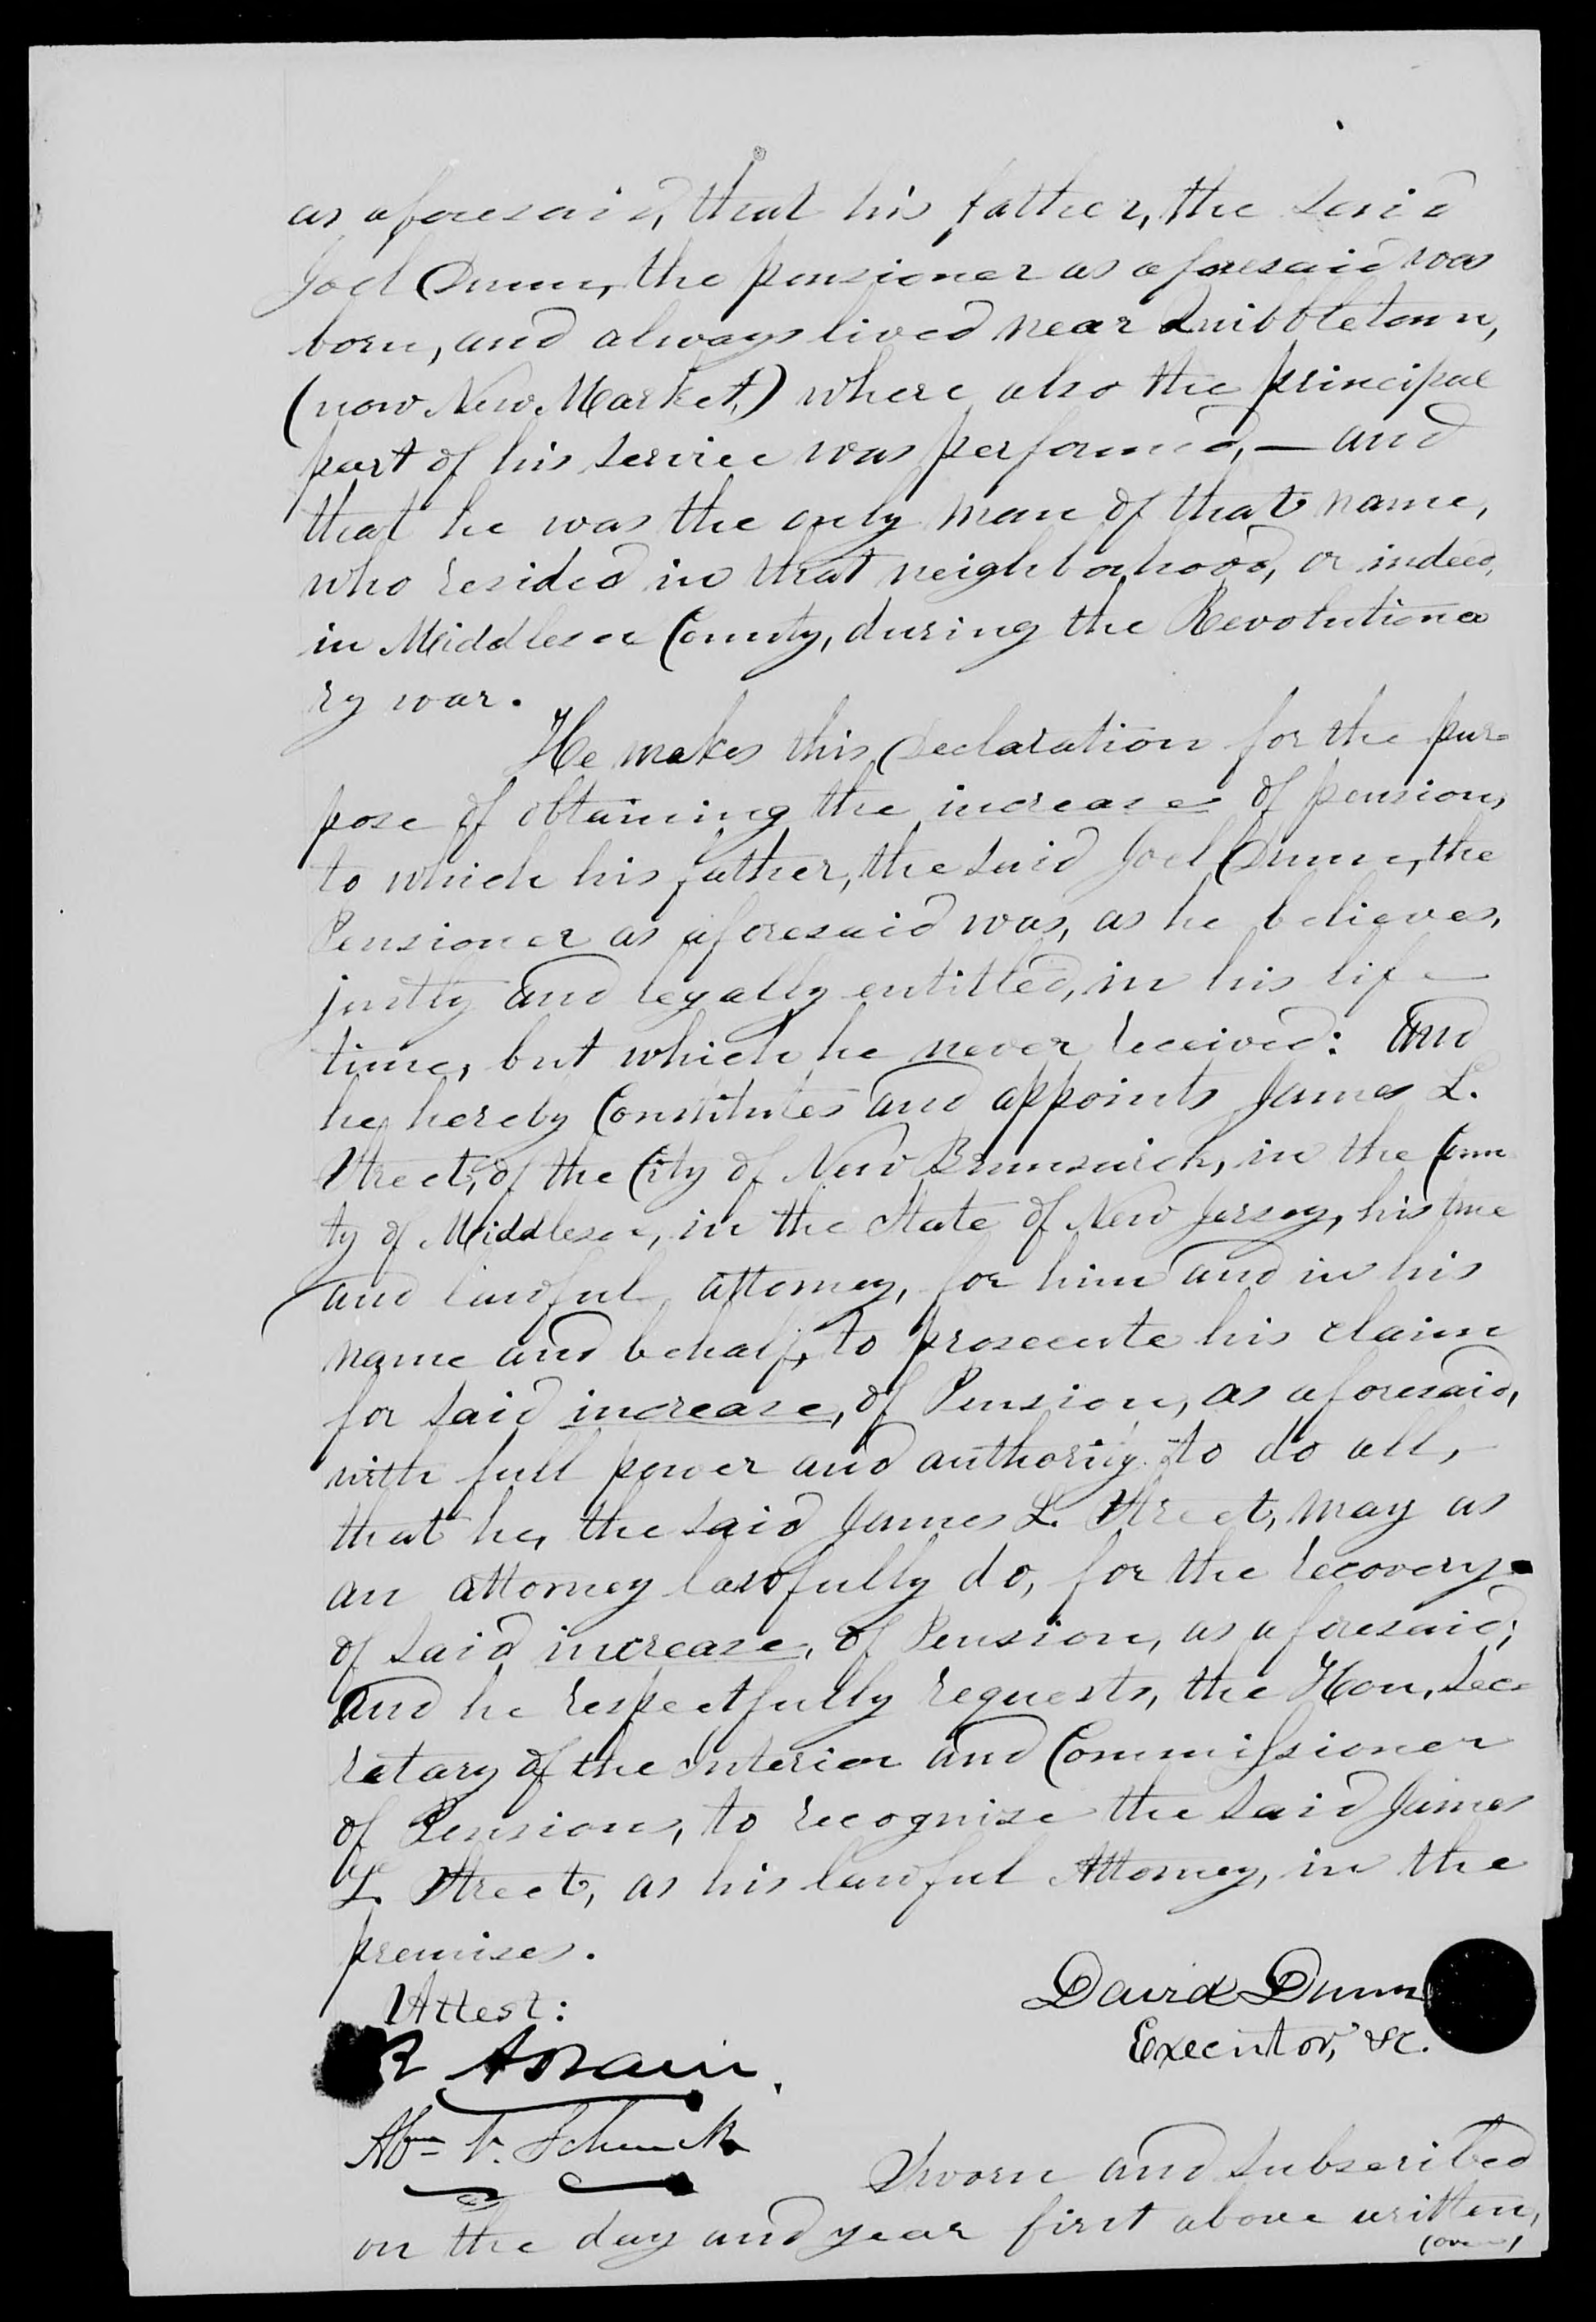as aforesaid, that his father, the said Joel Dunn, the pensioner as aforesaid was born, and always lived near Quibbletown, (now New Market) where also the principal part of his service was performed--and that he was the only man of that name, who resided in that neighborhood, or indeed n MIddlesex County, during the Revolutionary War.

He makes this Declaration for the purpose of obtaining the increase of pension, to which his father, the said Joel Dunn, the Pensioner as aforesaid was, as he believes, justly and legally entitled, in his life time, but which he never received.  And he hereby constitutes and appoints James L. Street, of the City of New Brunswick, in the County of MIddlesex, in the State of New Jersey, his true and lawful attorney, for him and in his name and behalf, to prosecute his claim for said increase of Pension, as aforesaid, with full power and authority to do all that he, the said James L. Street, may as an attorney lawfully do, for the recovery of said increase, of Pension, as aforesaid; and he respectfully requests, the Hon. Secretary of the Interior and Commissioner of Pensions, to recognize the said James L. Street, as his lawful Attorney, in the premises.
David Dunn
Executor, &c.

Attest:
R. Abram
Abr. V. Schunck

Sworn and subscribed on the day and year first above written,
(over)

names: James L Street, James L Street, Abm V Schunck, Joel Dunn, Joel Dunn, R Airain, David Dunn, James L Street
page: 15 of 52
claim: widow's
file: W. 919, Joel Dunn, New Jersey